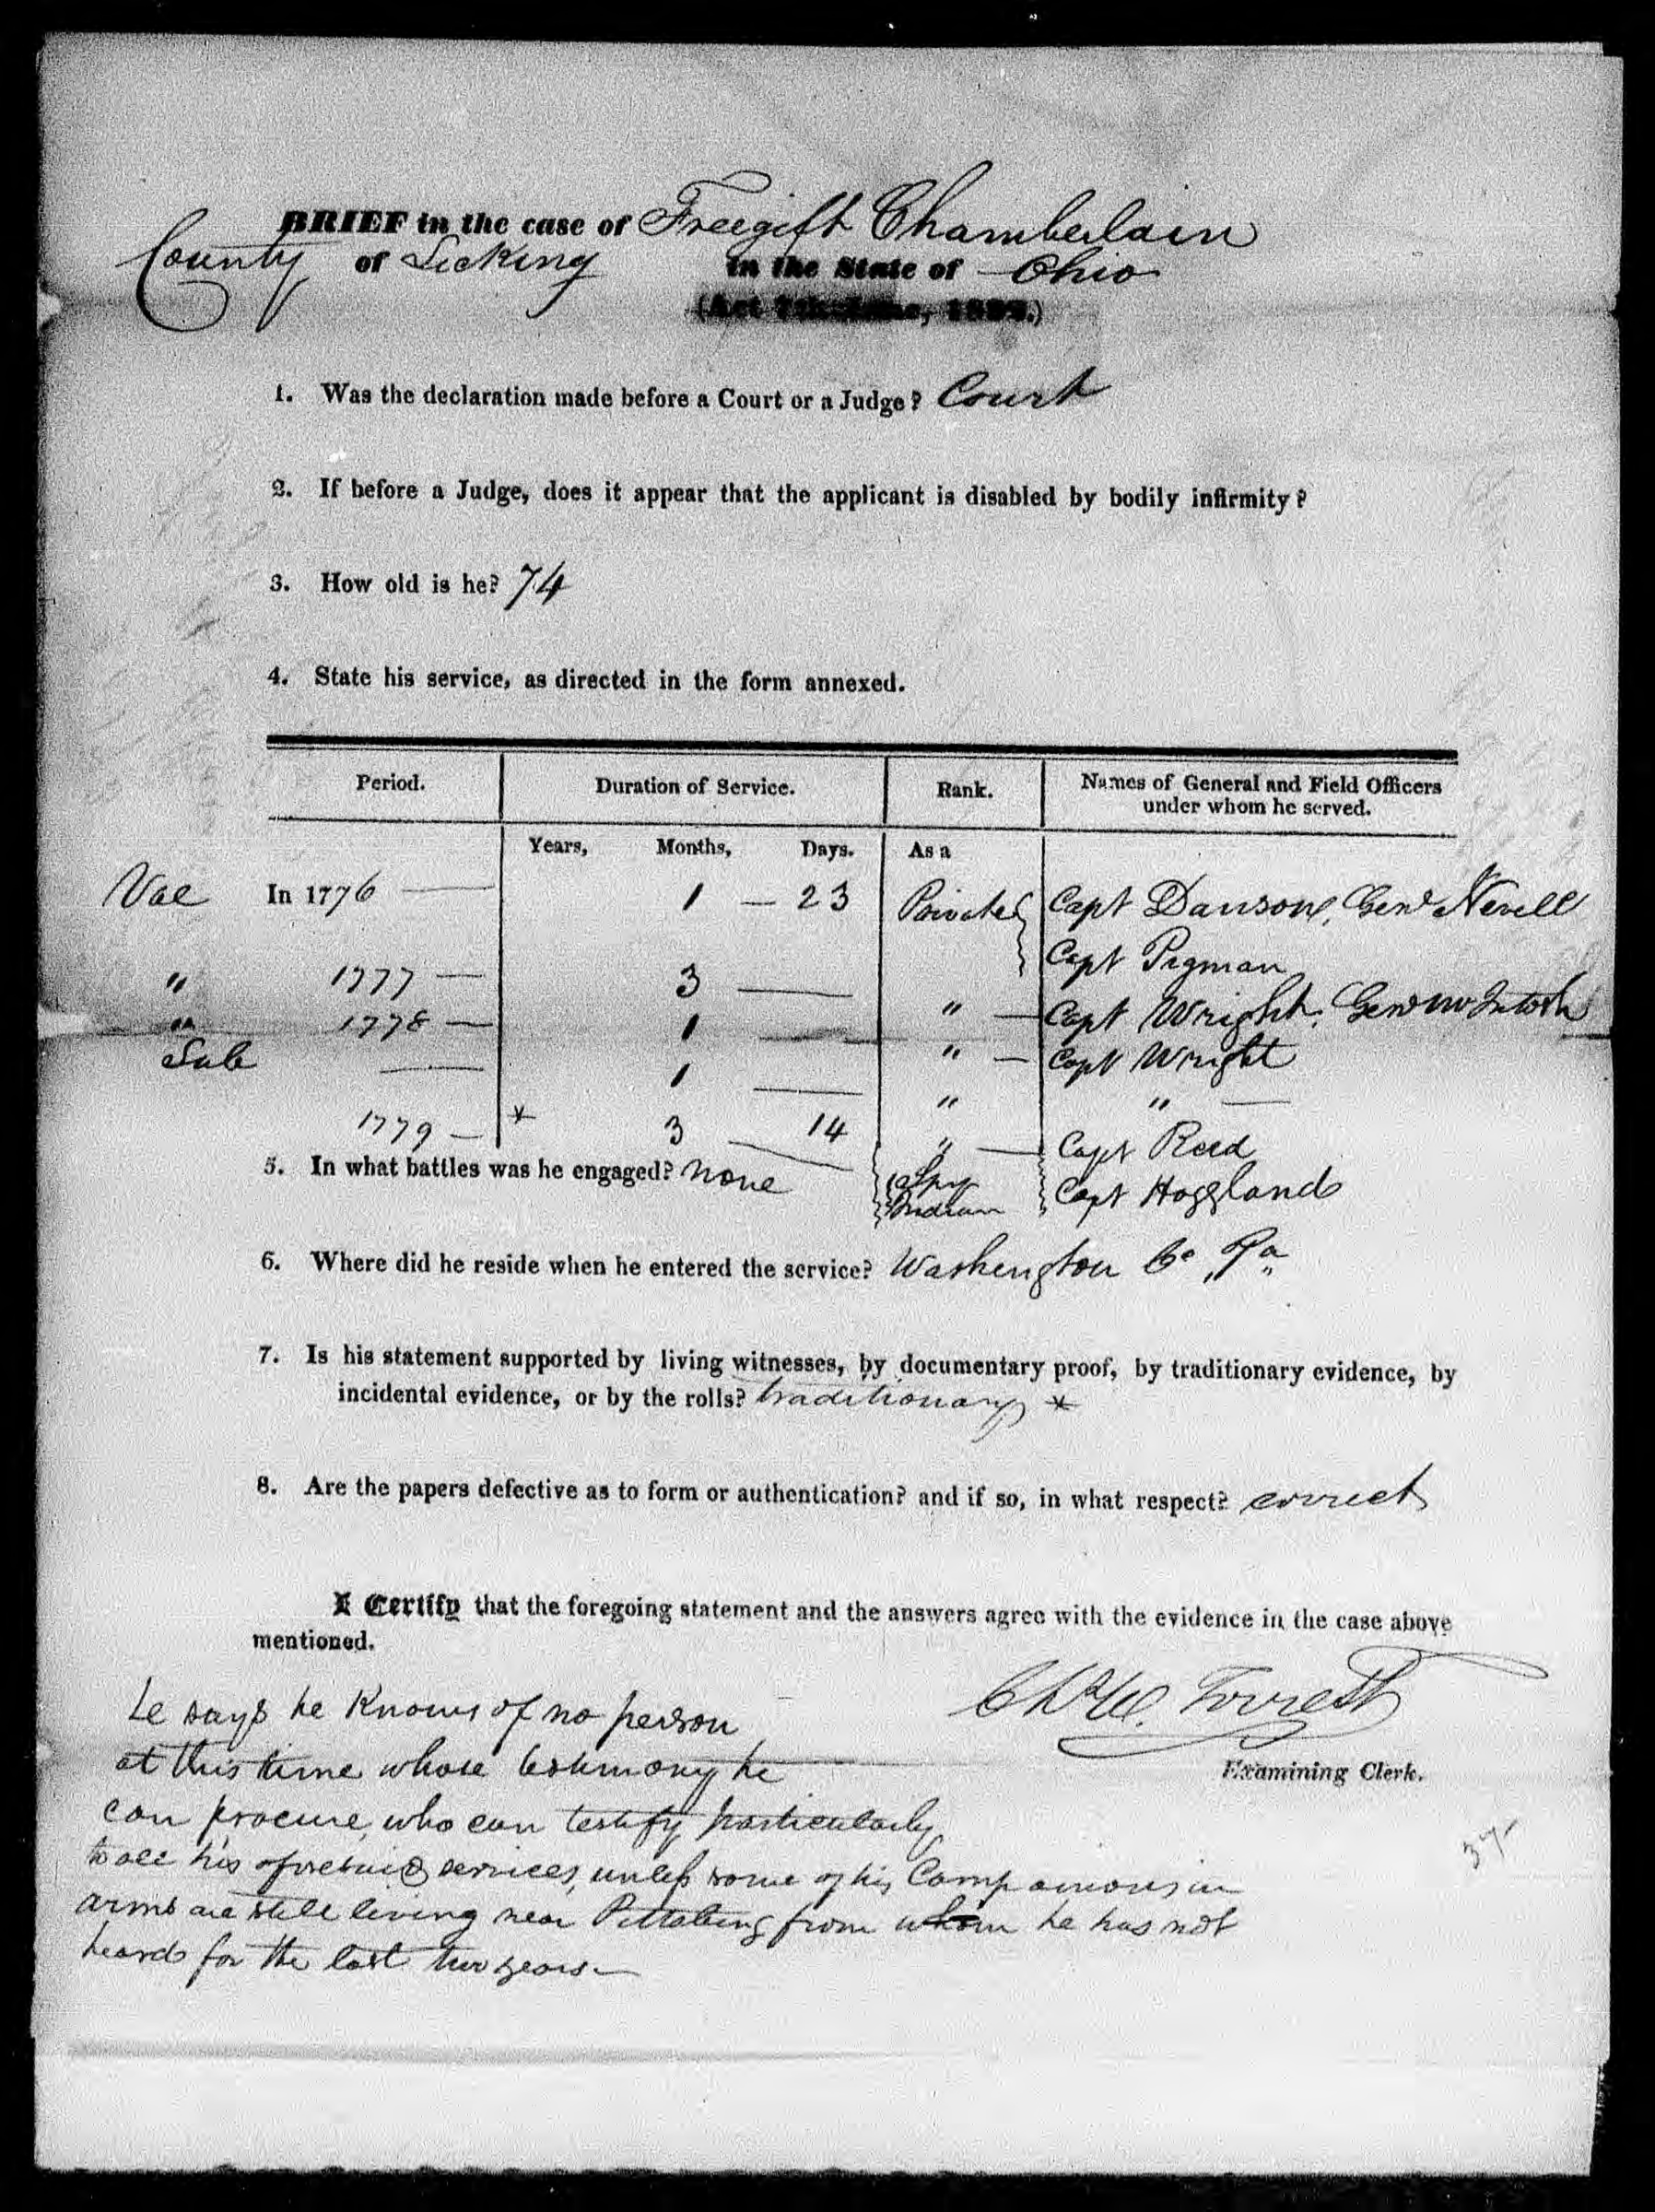Brief in the case of Freegift Chamberlain County of Licking in the State of Ohio    
1. Was the declaration made before a Court or a Judge? Court   
2.  If before a Judge, does it appear that the applicant is disabled by bodily infirmity? 
3.  How old is he? 74 
4. State his service, as directed in the form annexed. 
Period.   Vol in 1776   Duration of Service.  1 Months.  23 Days  Rank.  Private   Names of General and Field Officers under whom he served.   Capt Dawson  Genl Nevill  Capt Pegman
Period.  Vol. 1777   Duration of Service.  3 months   Rank.   Private   Names of General and Field Officers under whom he served.   Capt. Wright, Genl McIntosh
Period.    Vol.  1778  Duration of Service.  1 month   Rank.  Private   Names of General and Field Officers under whom he served.   Capt Wright
Period.  Sub.   Duration of Service.  1 month  Rank.  Private  Names of General and Field Officers under whom he served.   Capt Wright
Period.  1779 * Duration of Service.  3 months 14 days  Rank. Spy Indian    Names of General and Field Officers under whom he served.   Capt Reed  Capt. Hoggland
5. In what battles was be engaged?  None
6. Where did he reside when he entered the service? Washington Co. Pa. 
7. Is his statement supported by living witnesses, by documentary proof, by traditionary evidence, by incidental evidence, or by the rolls? Traditionary * 
8. Are the papers defective as to form or authentication? and if so, in what respect? Correct     
I Certify that the foregoing statement and the answers agree with the evidence in the case above 
Chas W. Forrest
Examining Clerk
he says he knows of no person at this time whose testimony he can procure who can testify particularly all his aforesaid services, unless some of his companions in arms are still living near Pittsburg from whom he has not heard for the last two years-
37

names: Mc Intosh, Chs W Forrest, Hoggland, Wright, Pegman, Reed, Wright, Dawson, Wright, Novell, Freegift Chamberlain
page: 9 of 18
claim: survivor's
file: S. 3151, Freegift Chamberlain, Penn.